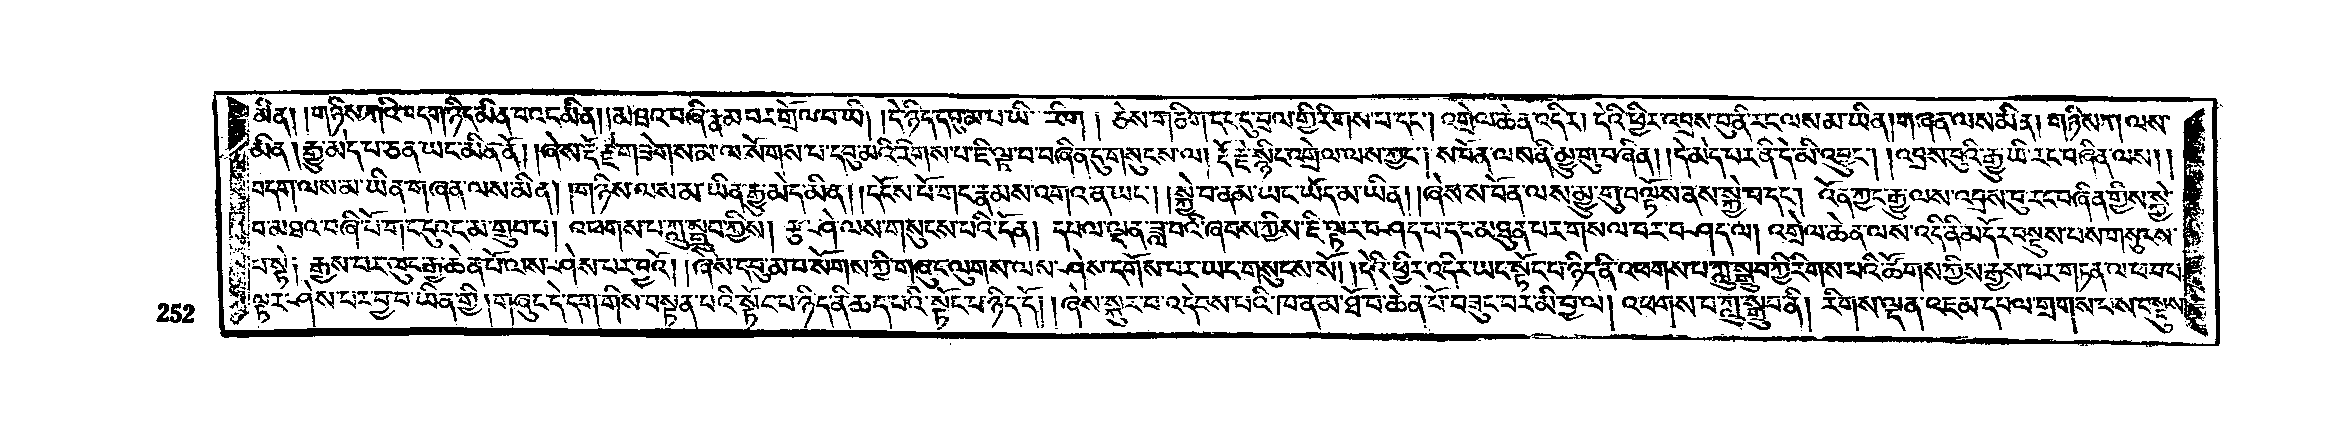མིན། །གཉིས་ཀའི་བདག་ཉིད་མིན་པའང་མིན། །མཐའ་བཞི་རྣམ་པར་གྲོལ་བ་ཡི། །དེ་ཉིད་དབུ་མ་པ་ཡི་རིག །ཅེས་གཅིག་དང་དུ་བྲལ་གྱི་རིགས་པ་དང་། འགྲེལ་ཆེན་འདིར། དེའི་ཕྱིར་འབྲས་བུ་ནི་རང་ལས་མ་ཡིན། གཞན་ལས་མིན། གཉིས་ཀ་ལས་
མིན། རྒྱུ་མེད་པ་ཅན་ཡང་མིན་ནོ། །ཞེས་རྡོ་རྗེ་གཟེགས་མ་ལ་སོགས་པ་དབུ་མའི་རིགས་པ་ཇི་ལྟ་བ་བཞིན་དུ་གསུངས་ལ། རྡོ་རྗེ་སྙིང་འགྲེལ་ལས་ཀྱང་། ས་བོན་ལས་ནི་མྱུ་གུ་བཞིན། །དེ་མེད་པར་ནི་དེ་མི་འབྱུང་། །འབྲས་བུའི་རྒྱུ་ཡི་རང་བཞིན་ལས། །
བདག་ལས་མ་ཡིན་གཞན་ལས་མིན། །གཉིས་ལས་མ་ཡིན་རྒྱུ་མེད་མིན། །དངོས་པོ་གང་རྣམས་འགའ་ན་ཡང་། །སྐྱེ་བ་ནམ་ཡང་ཡོད་མ་ཡིན། །ཞེས་ས་བོན་ལས་མྱུ་གུ་བལྟོས་ནས་སྐྱེ་བ་དང་། འོན་ཀྱང་རྒྱུ་ལས་འབྲས་བུ་རང་བཞིན་གྱིས་སྐྱེ་
བ་མཐའ་བཞི་པོ་གང་དུའང་མ་གྲུབ་པ། འཕགས་པ་ཀླུ་སྒྲུབ་ཀྱིས། རྩ་ཤེ་ལས་གསུངས་པའི་དོན། དཔལ་ལྡན་ཟླ་བའི་ཞབས་ཀྱིས་ཇི་ལྟར་བཤད་པ་དང་མཐུན་པར་གསལ་བར་བཤད་ལ། འགྲེལ་ཆེན་ལས་འདི་ནི་མདོར་བསྡུས་པས་གསུངས་
པ་སྟེ། རྒྱས་པར་ལུང་རྒྱ་ཆེན་པོ་ལས་ཤེས་པར་བྱའོ། །ཞེས་དབུ་མ་པ་སོགས་ཀྱི་གཞུང་ལུགས་ལས་ཤེས་དགོས་པར་ཡང་གསུངས་སོ། །དེའི་ཕྱིར་འདིར་ཡང་སྟོང་པ་ཉིད་ནི་འཕགས་པ་ཀླུ་སྒྲུབ་ཀྱི་རིགས་པའི་ཚོགས་ཀྱིས་རྒྱས་པར་གཏན་ལ་ཕབ་པ་
ལྟར་ཤེས་པར་བྱ་བ་ཡིན་གྱི། གཞུང་དེ་དག་གིས་བསྟན་པའི་སྟོང་པ་ཉིད་ནི་ཆད་པའི་སྟོང་པ་ཉིད་དོ། །ཞེས་སྐུར་བ་འདེབས་པའི་ཁ་ན་མ་ཐོ་བ་ཆེན་པོ་གཟུང་བར་མི་བྱ་ལ། འཕགས་པ་ཀླུ་སྒྲུབ་ནི། རིགས་ལྡན་འཇམ་དཔལ་གྲགས་པས་བསྡུས་